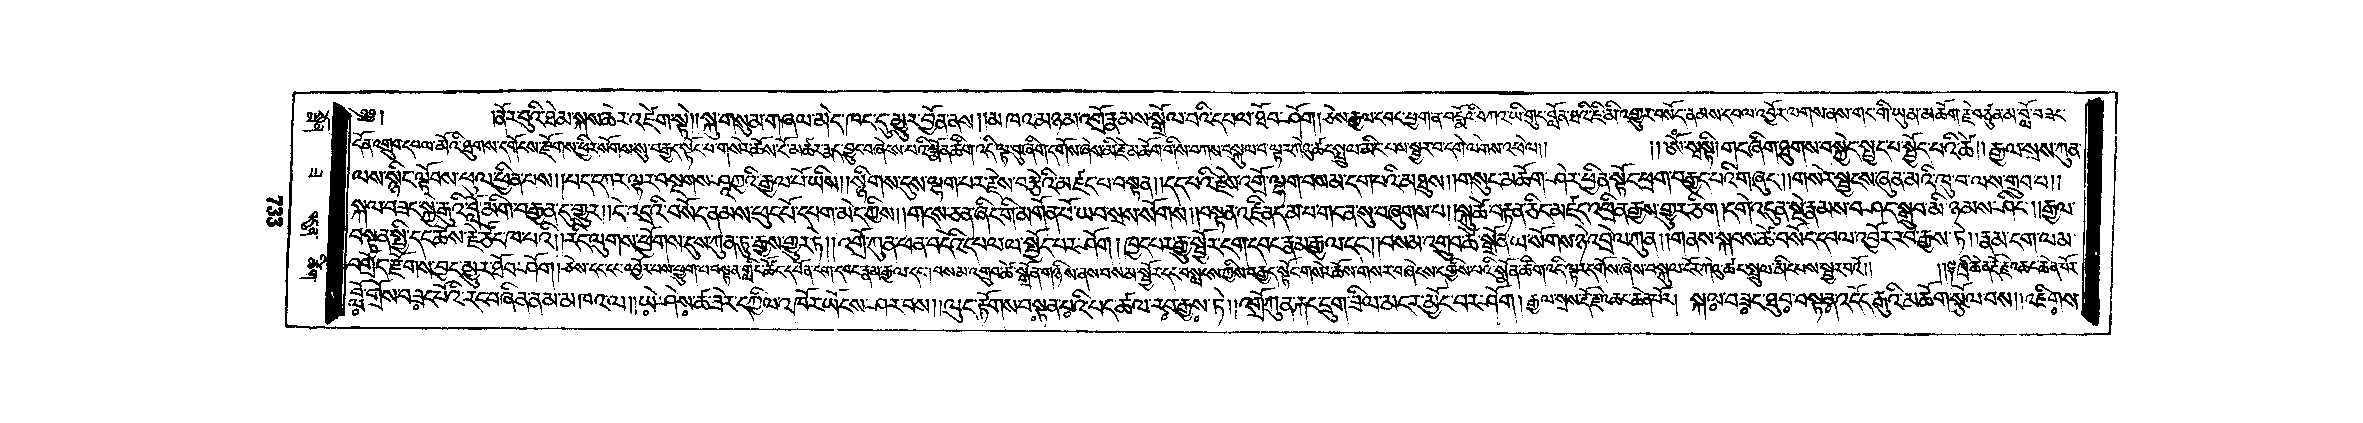༄༅། །ནོར་བུའི་ཐེམ་སྐས་ཆེར་འཛེག་སྟེ། །སྐུ་གསུམ་གཞལ་མེད་ཁང་དུ་མྱུར་བྱོན་ནས། །མཁའ་མཉམ་འགྲོ་རྣམས་སྒྲོལ་བའི་དཔལ་ཐོབ་ཤོག །ཅེས་རྒྱལ་དབང་ཕྱག་ན་པདམོའི་བཀའ་ཡི་གུང་བློན་ཐའི་ཇི་མི་འགྱུར་བསོད་ནམས་དཔལ་འབྱོར་ལགས་ནས་གང་གི་ཡུམ་མཆོག་རྗེ་བཙུན་མ་བློ་བཟང་
དོན་འགྲུབ་དཔལ་མོའི་ཐུགས་དགོངས་རྫོགས་ཕྱིར་སོགས་སུ་བརྒྱད་སྟོང་པ་གསེར་ཆོས་ངོ་མཚར་རྨད་བྱུང་བཞེངས་པའི་སྨོན་ཚིག་འདི་ལྟ་བུ་ཞིག་དགོས་ཞེས་མི་རྗེ་མཆོག་གིས་བཀས་བསྐུལ་བ་ལྟར་ཀེའུ་ཚང་སྤྲུལ་མིང་པས་སྦྱར་བ་དགེ་ལེགས་འཕེལ།། །།ཨོཾ་སྭ་སྟི། གང་ཞིག་ཐུགས་བསྐྱེད་སྤྱད་པ་སྤྱོད་པའི་ཚེ། །རྒྱལ་སྲས་ཀུན་
ལས་སྙིང་ལྟོབས་ཕུལ་ཕྱིན་པས། །པད་དཀར་ལྟར་བསྔགས་ཤཱཀྱའི་རྒྱལ་པོ་ཡིས། །སྙིགས་དུས་ལྷག་པར་རྗེས་བརྩེའི་མཛད་པ་བསྟན། །དད་པའི་རྗེས་འགྲོ་ལྷག་བསམ་དག་པའི་མཐུས། །གསུང་མཆོག་ཤེར་ཕྱིན་སྟོང་ཕྲག་བརྒྱད་པའི་གཞུང་། །གསེར་སྦྱངས་ཞུན་མའི་ཁུ་བ་ལས་གྲུབ་པ།།
སྐལ་བཟང་སྐྱེ་རྒུའི་བློ་མིག་བརྒྱན་དུ་གྱུར། །དེ་འདྲའི་བསོད་ནམས་ཕུང་པོ་དཔག་མེད་ཀྱིས། །གངས་ཅན་ཞིང་གི་མགོན་པོ་ཡབ་སྲས་སོགས། །བསྟན་འཛིན་དམ་པ་གང་ན་སུ་བཞུགས་པ། །སྐུ་ཚེ་བརྟན་ཅིང་མཛད་འཕྲིན་རྒྱས་གྱུར་ཅིག །དགེ་འདུན་སྡེ་རྣམས་བཤད་སྒྲུབ་མི་ཉམས་ཤིང་། །རྒྱལ་
བསྟན་སྤྱི་དང་ཆོས་རྗེ་ཙོང་ཁ་པའི། །རིང་ལུགས་ཕྱོགས་དུས་ཀུན་ཏུ་རྒྱས་གྱུར་ཏེ། །འགྲོ་ཀུན་ཕན་བདེའི་དཔལ་ལ་སྤྱོད་པར་ཤོག །ཁྱད་པར་རྒྱུ་སྦྱོར་ངག་དབང་རྣམ་རྒྱལ་དང་། །བསམ་འགྲུབ་ཚེ་སྒྲོན་ལ་སོགས་ཉེ་འབྲེལ་ཀུན། །གནས་སྐབས་ཚེ་བསོད་དཔལ་འབྱོར་རབ་རྒྱས་ཏེ། །རྣམ་དག་ལམ་
བགྲོད་རྫོགས་བྱང་མྱུར་ཐོབ་ཤོག །ཅེས་དང་དང་འབྱོར་པས་ཕྱུག་པ་བསྟན་གླིང་ཚོང་དཔོན་ངག་དབང་རྣམ་རྒྱལ་དང་། བསམ་འགྲུབ་ཚེ་སྒྲོན་གཉིས་ནས་བསམ་སྦྱོར་དང་བསླངས་ཀྱིས་བརྒྱད་སྟོང་གསེར་ཆོས་གསར་བཞེངས་དགྱིས་པའི་སྨོན་ཚིག་འདི་ལྟར་དགོས་ཞེས་བསྐུལ་ངོར་ཀེའུ་ཚང་སྤྲུལ་མིང་པས་སྦྱར་བའོ།། །།༈ ཁྲི་ཆེན་རྡོ་རྗེ་འཆང་ཆེན་པོར་
བློ་གྲོས་བཟང་པོའི་རང་བཞིན་ནམ་མཁའ་ལ། །ཡེ་ཤེས་ཚ་ཟེར་དཀྱིལ་འཁོར་ཡོངས་ཤར་བས། །ལུང་རྟོགས་བསྟན་པའི་པད་ཚལ་རབ་རྒྱས་ཏེ། །འགྲོ་ཀུན་རྐང་དྲུག་ཟིལ་མངར་མྱོང་བར་ཤོག །རྒྱལ་སྲས་རྡོ་རྗེ་འཆང་ཆེན་པོར། སྐལ་བཟང་ཐུབ་བསྟན་འདོད་རྒུའི་མཆོག་སྩོལ་བས། །འཇིགས་